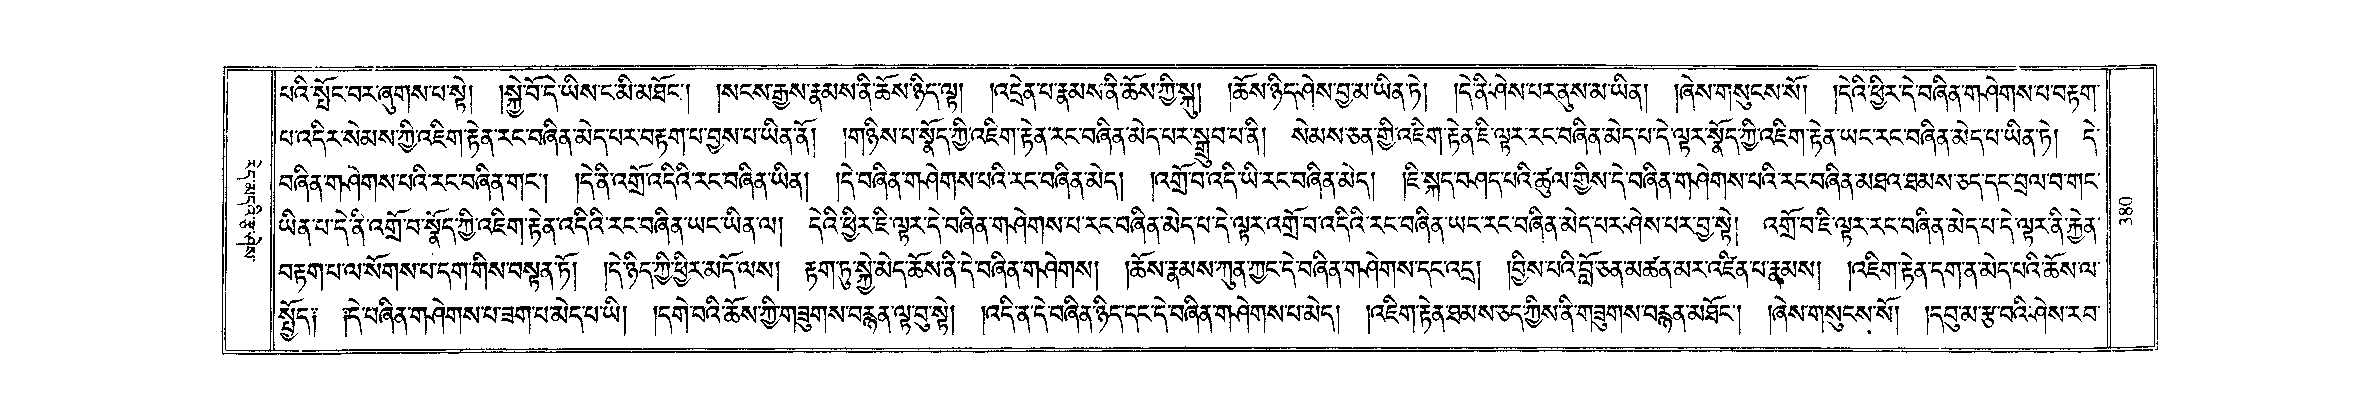པའི་སྤོང་བར་ཞུགས་པ་སྟེ། །སྐྱེ་བོ་དེ་ཡིས་ང་མི་མཐོང་། །སངས་རྒྱས་རྣམས་ནི་ཆོས་ཉིད་ལྟ། །འདྲེན་པ་རྣམས་ནི་ཆོས་ཀྱི་སྐུ། །ཆོས་ཉིད་ཤེས་བྱ་མ་ཡིན་ཏེ། །དེ་ནི་ཤེས་པར་ནུས་མ་ཡིན། །ཞེས་གསུངས་སོ། །དེའི་ཕྱིར་དེ་བཞིན་གཤེགས་པ་བརྟག་
པ་འདིར་སེམས་ཀྱི་འཇིག་རྟེན་རང་བཞིན་མེད་པར་བརྟག་པ་བྱས་པ་ཡིན་ནོ། །གཉིས་པ་སྣོད་ཀྱི་འཇིག་རྟེན་རང་བཞིན་མེད་པར་སྒྲུབ་པ་ནི། སེམས་ཅན་གྱི་འཇིག་རྟེན་ཇི་ལྟར་རང་བཞིན་མེད་པ་དེ་ལྟར་སྣོད་ཀྱི་འཇིག་རྟེན་ཡང་རང་བཞིན་མེད་པ་ཡིན་ཏེ། དེ་
བཞིན་གཤེགས་པའི་རང་བཞིན་གང་། །དེ་ནི་འགྲོ་འདིའི་རང་བཞིན་ཡིན། །དེ་བཞིན་གཤེགས་པའི་རང་བཞིན་མེད། །འགྲོ་བ་འདི་ཡི་རང་བཞིན་མེད། །ཇི་སྐད་བཤད་པའི་ཚུལ་གྱིས་དེ་བཞིན་གཤེགས་པའི་རང་བཞིན་མཐའ་ཐམས་ཅད་དང་བྲལ་བ་གང་
ཡིན་པ་དེ་ནི་འགྲོ་བ་སྣོད་ཀྱི་འཇིག་རྟེན་འདིའི་རང་བཞིན་ཡང་ཡིན་ལ། དེའི་ཕྱིར་ཇི་ལྟར་དེ་བཞིན་གཤེགས་པ་རང་བཞིན་མེད་པ་དེ་ལྟར་འགྲོ་བ་འདིའི་རང་བཞིན་ཡང་རང་བཞིན་མེད་པར་ཤེས་པར་བྱ་སྟེ། འགྲོ་བ་ཇི་ལྟར་རང་བཞིན་མེད་པ་དེ་ལྟར་ནི་རྐྱེན་
བརྟག་པ་ལ་སོགས་པ་དག་གིས་བསྟན་ཏོ། །དེ་ཉིད་ཀྱི་ཕྱིར་མདོ་ལས། རྟག་ཏུ་སྐྱེ་མེད་ཆོས་ནི་དེ་བཞིན་གཤེགས། །ཆོས་རྣམས་ཀུན་ཀྱང་དེ་བཞིན་གཤེགས་དང་འདྲ། །བྱིས་པའི་བློ་ཅན་མཚན་མར་འཛིན་པ་རྣམས། །འཇིག་རྟེན་དག་ན་མེད་པའི་ཆོས་ལ་
སྤྱོད༑ ༑དེ་བཞིན་གཤེགས་པ་ཟག་པ་མེད་པ་ཡི། །དགེ་བའི་ཆོས་ཀྱི་གཟུགས་བརྙན་ལྟ་བུ་སྟེ། །འདི་ན་དེ་བཞིན་ཉིད་དང་དེ་བཞིན་གཤེགས་པ་མེད། །འཇིག་རྟེན་ཐམས་ཅད་ཀྱིས་ནི་གཟུགས་བརྙན་མཐོང་། །ཞེས་གསུངས་སོ། །དབུ་མ་རྩ་བའི་ཤེས་རབ་